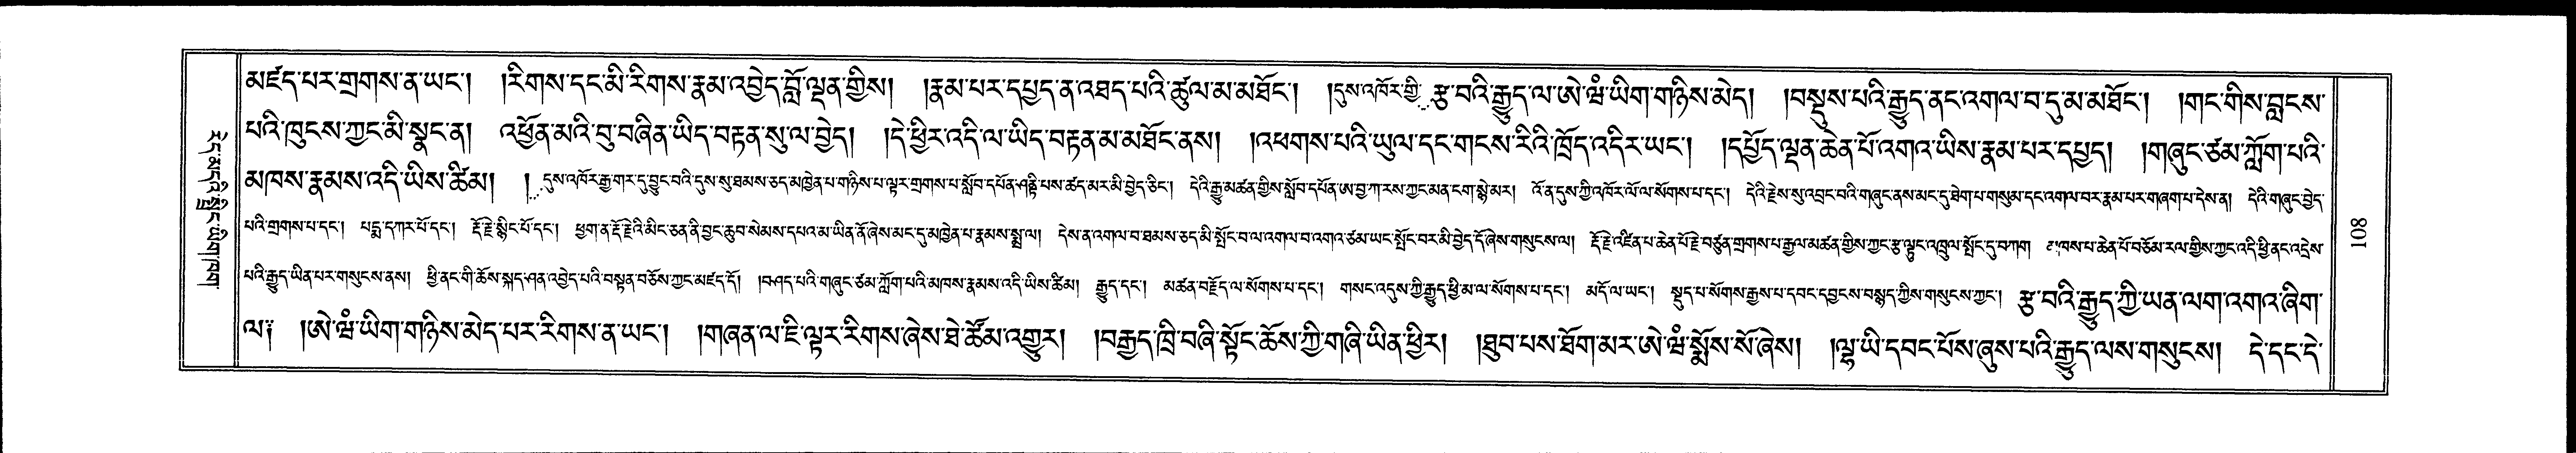མཛད་པར་གྲགས་ན་ཡང་། །རིགས་དང་མི་རིགས་རྣམ་འབྱེད་བློ་ལྡན་གྱིས། །རྣམ་པར་དཔྱད་ན་འཐད་པའི་ཚུལ་མ་མཐོང་། །དུས་འཁོར་གྱི་རྩ་བའི་རྒྱུད་ལ་ཨེ་ཝཾ་ཡིག་གཉིས་མེད། །བསྡུས་པའི་རྒྱུད་ནང་འགལ་བ་དུ་མ་མཐོང་། །གང་གིས་བླངས་
པའི་ཁུངས་ཀྱང་མི་སྣང་ན། འཕྱོན་མའི་བུ་བཞིན་ཡིད་བརྟན་སུ་ལ་བྱེད། །དེ་ཕྱིར་འདི་ལ་ཡིད་བརྟན་མ་མཐོང་ནས། །འཕགས་པའི་ཡུལ་དང་གངས་རིའི་ཁྲོད་འདིར་ཡང་། །དཔྱོད་ལྡན་ཆེན་པོ་འགའ་ཡིས་རྣམ་པར་དཔྱད། །གཞུང་ཙམ་ཀློག་པའི་
མཁས་རྣམས་འདི་ཡིས་ཚིམ། །དུས་འཁོར་རྒྱ་གར་དུ་བྱུང་བའི་དུས་སུ་ཐམས་ཅད་མཁྱེན་པ་གཉིས་པ་ལྟར་གྲགས་པ་སློབ་དཔོན་ཤནྟི་པས་ཚད་མར་མི་བྱེད་ཅིང་། དེའི་རྒྱུ་མཚན་གྱིས་སློབ་དཔོན་ཨ་བྱ་ཀ་རས་ཀྱང་མན་ངག་སྙེ་མར། འོ་ན་དུས་ཀྱི་འཁོར་ལོ་ལ་སོགས་པ་དང་། དེའི་རྗེས་སུ་འབྲང་བའི་གཞུང་ནས་མང་དུ་ཐེག་པ་གསུམ་དང་འགལ་བར་རྣམ་པར་གཞག་པ་དེས་ན། དེའི་གཞུང་བྱེད་
པའི་གྲགས་པ་དང་། པདམ་དཀར་པོ་དང་། རྡོ་རྗེ་སྙིང་པོ་དང་། ཕྱག་ན་རྡོ་རྗེའི་མིང་ཅན་ནི་བྱང་ཆུབ་སེམས་དཔའ་མ་ཡིན་ནོ་ཞེས་མང་དུ་མཁྱེན་པ་རྣམས་སྨྲ་ལ། དེས་ན་འགལ་བ་ཐམས་ཅད་མི་སྤོང་བ་ལ་འགལ་བ་འགའ་ཙམ་ཡང་སྤོང་བར་མི་བྱེད་དོ་ཞེས་གསུངས་ལ། རྡོ་རྗེ་འཛིན་པ་ཆེན་པོ་རྗེ་བཙུན་གྲགས་པ་རྒྱལ་མཚན་གྱིས་ཀྱང་རྩ་ལྟུང་འཁྲུལ་སྤོང་དུ་བཀག །མཁས་པ་ཆེན་པོ་བཅོམ་རལ་གྱིས་ཀྱང་འདི་ཕྱི་ནང་འདྲེས་
པའི་རྒྱུད་ཡིན་པར་གསུངས་ནས། ཕྱི་ནང་གི་ཆོས་སྐད་ཤན་འབྱེད་པའི་བསྟན་བཅོས་ཀྱང་མཛད་དོ། །བཤད་པའི་གཞུང་ཙམ་ཀློག་པའི་མཁས་རྣམས་འདི་ཡིས་ཚིམ། རྒྱུད་དང་། མཚན་བརྗོད་ལ་སོགས་པ་དང་། གསང་འདུས་ཀྱི་རྒྱུད་ཕྱི་མ་ལ་སོགས་པ་དང་། མདོ་ལ་ཡང་། སྡུད་པ་སོགས་རྒྱས་པ་དབང་དབྱངས་བསྙད་ཀྱིས་གསུངས་ཀྱང་། རྩ་བའི་རྒྱུད་ཀྱི་ཡན་ལག་འགའ་ཞིག་
ལ། །ཨེ་ཝཾ་ཡིག་གཉིས་མེད་པར་རིགས་ན་ཡང་། །གཞན་ལ་ཇི་ལྟར་རིགས་ཞེས་ཐེ་ཚོམ་འགྱུར། །བརྒྱད་ཁྲི་བཞི་སྟོང་ཆོས་ཀྱི་གཞི་ཡིན་ཕྱིར། །ཐུབ་པས་ཐོག་མར་ཨེ་ཝཾ་སྨོས་སོ་ཞེས། །ལྷ་ཡི་དབང་པོས་ཞུས་པའི་རྒྱུད་ལས་གསུངས། དེ་དང་དེ་